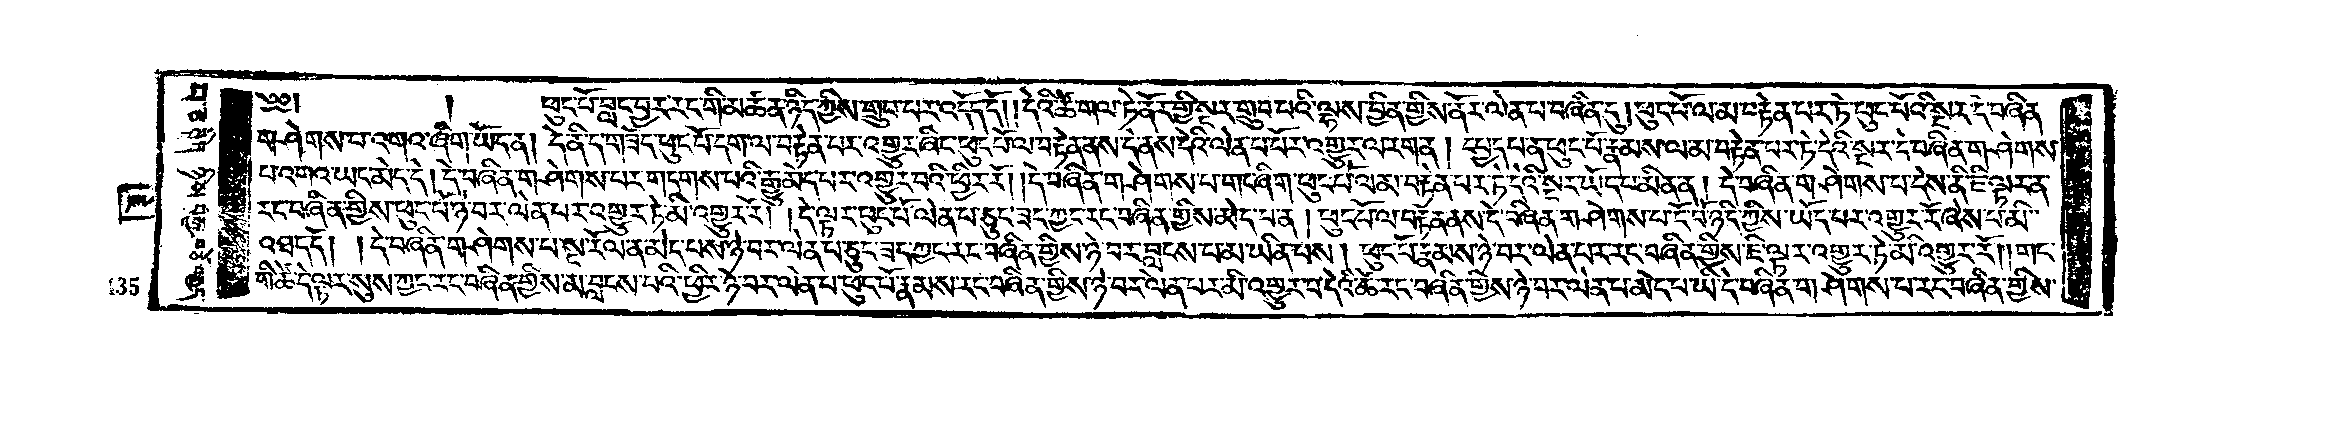༄༅། །ཕུང་པོ་བླང་བྱར་རང་གི་མཚན་ཉིད་ཀྱིས་གྲུབ་པར་འདོད་དོ། །དེའི་ཚེ་གལ་ཏེ་ནོར་གྱི་སྔར་གྲུབ་པའི་ལྷས་བྱིན་གྱིས་ནོར་ལེན་པ་བཞིན་དུ། ཕུང་པོ་ལ་མ་བརྟེན་པར་ཏེ་ཕུང་པོའི་སྔར་དེ་བཞིན་
གཤེགས་པ་འགའ་ཞིག་ཡོད་ན། དེ་ནི་གཟོད་ཕུང་པོ་དག་ལ་བརྟེན་པར་འགྱུར་ཞིང་ཕུང་པོ་ལ་བརྟེན་ནས་དེ་ནས་དེའི་ལེན་པ་པོར་འགྱུར་ལ་རག་ན། དཔྱད་པ་ན་ཕུང་པོ་རྣམས་ལ་མ་བརྟེན་པར་ཏེ་དེའི་སྔར་དེ་བཞིན་གཤེགས་
པ་འགའ་ཡང་མེད་དེ། དེ་བཞིན་གཤེགས་པར་གདགས་པའི་རྒྱུ་མེད་པར་འགྱུར་བའི་ཕྱིར་རོ། །དེ་བཞིན་གཤེགས་པ་གང་ཞིག་ཕུང་པོ་ལ་མ་བརྟེན་པར་ཏེ་དེའི་སྔར་ཡོད་པ་མིན་ན། དེ་བཞིན་གཤེགས་པ་དེས་ནི་ཇི་ལྟར་ན་
རང་བཞིན་གྱིས་ཕུང་པོ་ཉེ་བར་ལེན་པར་འགྱུར་ཏེ་མི་འགྱུར་རོ། །དེ་ལྟར་ཕུང་པོ་ལེན་པ་ཅུང་ཟད་ཀྱང་རང་བཞིན་གྱིས་མེད་པ་ན། ཕུང་པོ་ལ་བརྟེན་ནས་དེ་བཞིན་གཤེགས་པ་ངོ་བོ་ཉིད་ཀྱིས་ཡོད་པར་འགྱུར་རོ་ཞེས་པ་མི་
འཐད་དོ། །དེ་བཞིན་གཤེགས་པ་སྔ་རོལ་ན་མེད་པས་ཉེ་བར་ལེན་པ་ཅུང་ཟད་ཀྱང་རང་བཞིན་གྱིས་ཉེ་བར་བླངས་པ་མ་ཡིན་པས། ཕུང་པོ་རྣམས་ཉེ་བར་ལེན་པར་རང་བཞིན་གྱིས་ཇི་ལྟར་འགྱུར་ཏེ་མི་འགྱུར་རོ། །གང་
གི་ཚེ་དེ་ལྟར་སུས་ཀྱང་རང་བཞིན་གྱིས་མ་བླངས་པའི་ཕྱིར་ཉེ་བར་ལེན་པ་ཕུང་པོ་རྣམས་རང་བཞིན་གྱིས་ཉེ་བར་ལེན་པར་མི་འགྱུར་བ་དེའི་ཚེ་རང་བཞིན་གྱིས་ཉེ་བར་ལེན་པ་མེད་པ་ཡི་དེ་བཞིན་གཤེགས་པ་རང་བཞིན་གྱིས་